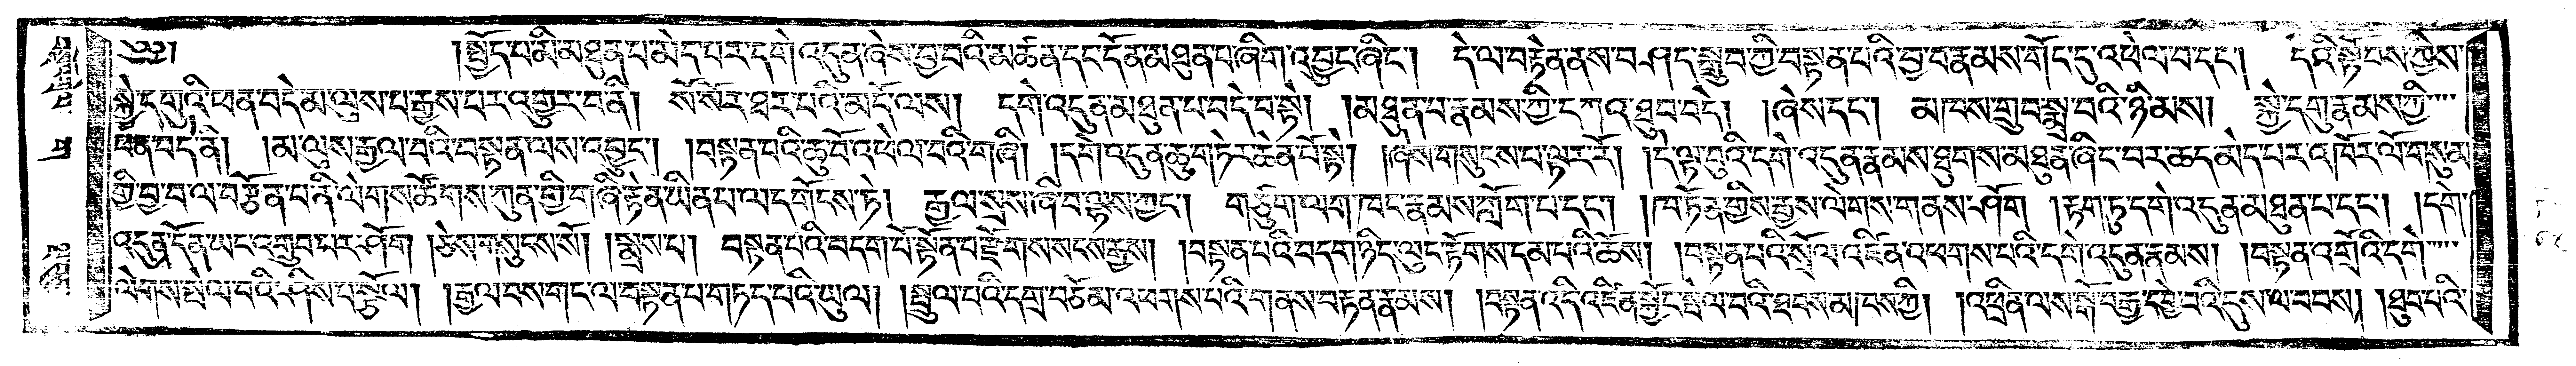༄༅། །སྤྱོད་པ་མི་མཐུན་པ་མེད་པར་དགེ་འདུན་ཞེས་བྱ་བའི་མཚན་དང་དོན་མཐུན་པ་ཞིག་འབྱུང་ཞིང་། དེ་ལ་བརྟེན་ནས་བཤད་སྒྲུབ་ཀྱི་བསྟན་པའི་བྱ་བ་རྣམས་གོང་དུ་འཕེལ་བ་དང་། དེའི་སྟོབས་ཀྱིས་
སྐྱེ་དགུའི་ཕན་བདེ་ལུས་བརྒྱས་པར་འགྱུར་བ་ནི། སོ་སོར་ཐར་པའི་མདོ་ལས། དགེ་འདུན་མཐུན་པ་བདེ་བ་སྟེ། །མཐུན་པ་རྣམས་ཀྱི་དཀའ་ཐུབ་བདེ། །ཞེས་དང་། མཁས་གྲུབ་སྨྲ་བའི་ཉི་མས། སྐྱེ་དགུ་རྣམས་ཀྱི་
ཕན་བདེ་ནི། །མ་ལུས་རྒྱལ་བའི་བསྟན་ལས་འབྱུང་། །བསྟན་པའི་ཆུ་བོ་འཕེལ་བའི་གཞི། །དགེ་འདུན་ཆུ་གཏེར་ཆེན་པོ་སྟེ། །ཞེས་གསུངས་པ་ལྟར་རོ། །དེ་ལྟ་བུའི་དགེ་འདུན་རྣམས་ཐུགས་མཐུན་ཞིང་བར་ཆད་མེད་པར་འཁོར་ལོ་གསུམ་
གྱི་བྱ་བ་ལ་བརྩོན་པ་ནི་ལེགས་ཚོགས་ཀུན་གྱི་བཞི་རྟེན་ཡིན་པ་ལ་དགོངས་ཏེ། རྒྱལ་སྲས་ཞི་བ་ལྷས་ཀྱང་། གཙུག་ལག་ཁང་རྣམས་ཀློག་པ་དང་། །ཁ་ཏོན་གྱིས་རྒྱས་ལེགས་གནས་ཤོག །རྟག་ཏུ་དགེ་འདུན་མཐུན་པ་དང་། །དགེ་
འདུན་དོན་ཡང་འགྲུབ་པར་ཤོག །ཅེས་གསུངས་སོ། །སྨྲས་པ། བསྟན་པའི་བདག་པོ་སྟོན་པ་རྫོགས་སངས་རྒྱས། །བསྟན་པའི་བདག་ཉིད་ལུང་རྟོགས་དམ་པའི་ཆོས། །བསྟན་པའི་སྲོལ་འཛིན་འཕགས་པའི་དགེ་འདུན་རྣམས། །བསྟན་འགྲོའི་དགེ་
ལེགས་སྤེལ་བའི་ཤིས་བ་སྩོལ། །རྒྱལ་བས་གང་ལ་བསྟན་པ་གཏད་པའི་ཡུལ། །སྤྲུལ་པའི་དགྲ་བཅོམ་འཕགས་པའི་གནས་བརྟན་རྣམས། །བསྟན་འདི་འཛིན་སྐྱོང་སྤེལ་བའི་ཐབས་མཁས་ཀྱི། །འཕྲིན་ལས་སྒོ་བརྒྱ་དགྱེ་བའི་དུས་ལ་བབས། །ཐུབ་པའི་